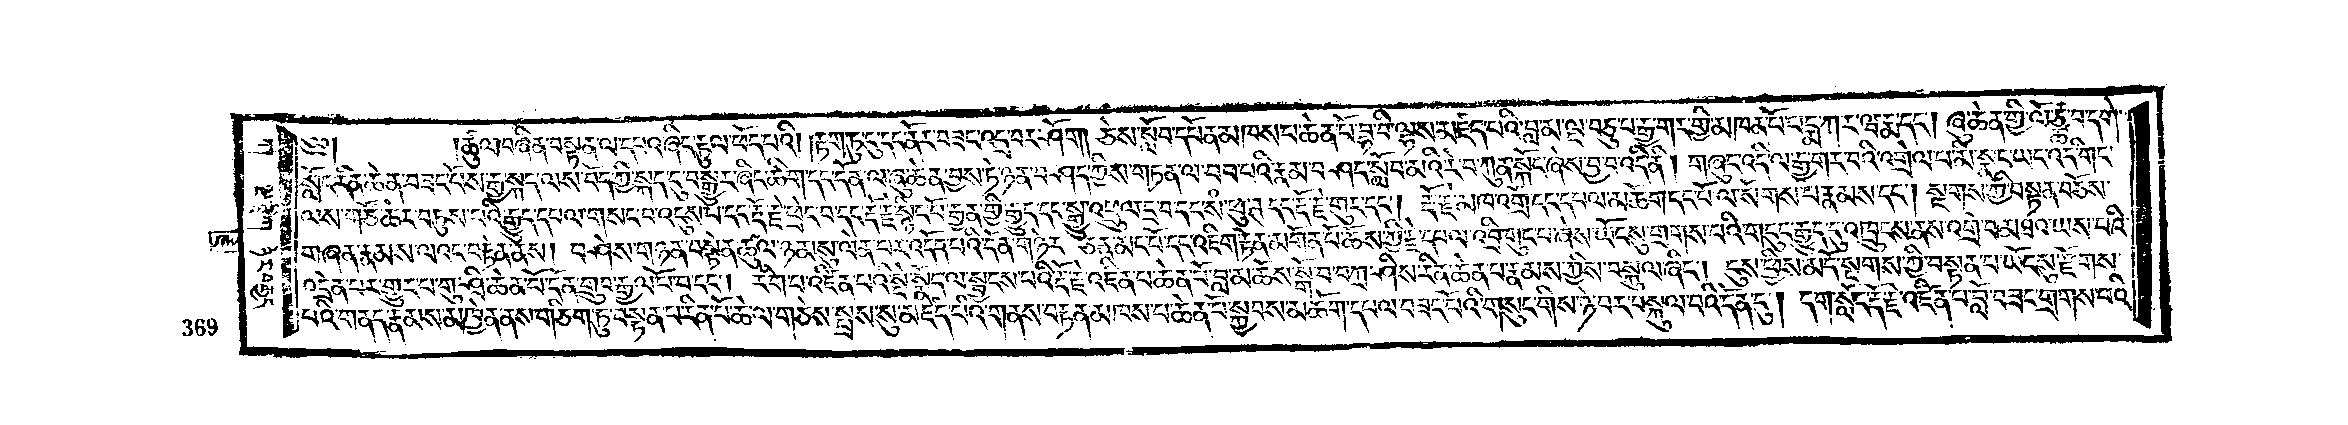༄༅། །ཚུལ་བཞིན་བསྟན་ལ་དཔའ་ཞིང་རྟུལ་ཕོད་པའི། །རྟག་ཏུ་ངུ་དང་ནོར་བཟང་འདྲ་བར་ཤོག། ཅེས་སློབ་དཔོན་མཁས་པ་ཆེན་པོ་བྷ་བི་ལྷས་མཛད་པའི་བླ་མ་ལྔ་བཅུ་པ་རྒྱ་གར་གྱི་མཁན་པོ་པདམ་ཀ་ར་ཝ་རྨ་དང་། ཞུ་ཆེན་གྱི་ལོ་ཙྪ་བ་དགེ་
སློང་རིན་ཆེན་བཟང་པོས་རྒྱ་སྐད་ལས་བོད་ཀྱི་སྐད་དུ་བསྒྱུར་ཞིང་ཚིག་དང་དོན་ལ་ཞུ་ཆེན་བྱས་ཏེ་ཉན་བཤད་ཀྱིས་གཏན་ལ་བབ་པའི་རྣམ་བཤད་སློབ་མའི་རེ་བ་ཀུན་སྐོང་ཞེས་བྱ་བ་འདི་ནི། གཞུང་འདི་ལ་རྒྱ་གར་བའི་འགྲེལ་པ་མི་སྣང་ཡང་འདི་གང་
ལས་གཙོ་ཆེར་བཏུས་པའི་རྒྱུད་དཔལ་གསང་བ་འདུས་པ་དང་རྡོ་རྗེ་ཕྲེང་བ་དང་རྡོ་རྗེ་སྙིང་པོ་རྒྱན་གྱི་རྒྱུད་དང་སྒྱུ་འཕྲུལ་དྲ་བ་དང་སཾ་ཕུ་ཊ་དང་རྡོ་རྗེ་གུར་དང་། རྡོ་རྗེ་མཁའ་འགྲོ་དང་དཔལ་མཆོག་དང་པོ་ལ་སོགས་པ་རྣམས་དང་། སྔགས་ཀྱི་བསྟན་བཅོས་
གཞན་རྣམས་ལའང་བརྟེན་ནས། བཤེས་གཉན་བསྟེན་ཚུལ་ཉམས་སུ་ལེན་པར་འདོད་པའི་དོན་གཉེར་ཅན་མང་པོ་དང་འཇིག་རྟེན་མགོན་པོ་ཆོས་ཀྱི་རྗེ་དཔལ་འབྲི་གུང་པ་ཞེས་ཡོངས་སུ་གྲགས་པའི་གདུང་རྒྱུད་དུ་འཁྲུངས་ནས་འགྲེ་བ་མཐའ་ཡས་པའི་
འདྲེན་པར་གྱུར་པ་གུ་ཤྲི་ཆེན་པོ་དོན་གྲུབ་རྒྱལ་པོ་བ་དང་། རིག་པ་འཛིན་པའི་སྡེ་སྣོད་ལ་སྦྱངས་པའི་རྡོ་རྗེ་འཛིན་པ་ཆེན་པོ་བླ་མ་ཆོས་སྒོ་བ་བཀྲ་ཤིས་རིན་ཆེན་པ་རྣམས་ཀྱིས་བསྐུལ་ཞིང་། དུས་ཕྱིས་མདོ་སྔགས་ཀྱི་བསྟན་པ་ཡོངས་སུ་རྫོགས་
པའི་གནད་རྣམས་མཁྱེན་ནས་གཅིག་ཏུ་བསྟན་པ་རིན་པོ་ཆེ་ལ་གཅེས་སྤྲས་སུ་མཛད་པའི་གནས་བརྟན་མཁས་པ་ཆེན་པོ་སྐྱབས་མཆོག་དཔལ་བཟང་པོའི་གསུང་གིས་ཉེ་བར་བསྐུལ་བའི་དོན་དུ། དགེ་སློང་རྡོ་རྗེ་འཛིན་པ་བློ་བཟང་གྲགས་པའི་